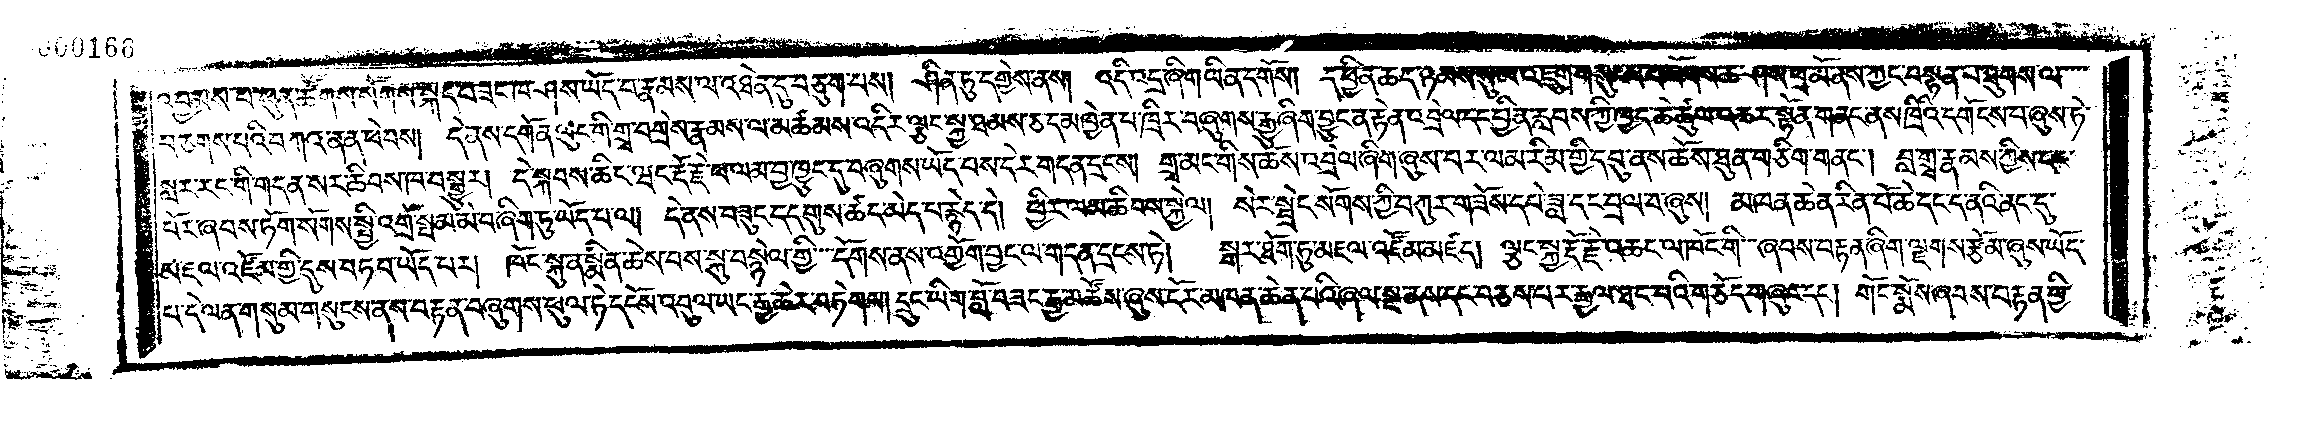འབྱམས་པ་ཕུན་ཚོགས་སོགས་སྐད་བཟང་ཁ་ཤས་ཡོད་བ་རྣམས་ལ་འཐེན་དུ་བཅུག་པས། ཤིན་ཏུ་དགྱེས་ནས། འདི་འདྲ་ཞིག་ཡིན་དགོས། ད་ཕྱིན་ཆད་ཉམས་སུ་མ་འཇུག་གསུངས་པ་སོགས་ཆ་ཤས་ཕྲ་མོ་ནས་ཀྱང་བསྟན་པ་ཐུགས་ལ་
བཅགས་པའི་བཀའ་ནན་ཕེབས། དེ་ནས་དགོན་ལུང་གི་གྲྭ་བགྲེས་རྣམས་ལ་མཚམས་འདིར་ལྕང་སྐྱ་ཐམས་ཅད་མཁྱེན་པ་ཁྲིར་བཞུགས་རྒྱུ་ཞིག་བྱུང་ན་རྟེན་འབྲེལ་དང་བྱིན་རླབས་ཀྱི་ཁྱད་ཆེ་ཚུལ་འཆར་སྟོན་གནང་ནས་ཁྲིའི་དགོངས་པ་ཞུས་ཏེ་
སླར་རང་གི་གདན་སར་ཆིབས་ཁ་བསྒྱུར། དེ་སྐབས་ཆིང་ཝང་རྡོ་རྗེ་ཕ་ལམ་བྱ་ཁྱུང་དུ་བཞུགས་ཡོད་པས་དེར་གདན་དྲངས། གྲྭ་མང་གིས་ཆོས་འབྲེལ་ཞིག་ཞུས་པར་ལམ་རིམ་གྱི་དབུ་ནས་ཆོས་ཐུན་གཅིག་གནང་། བླ་གྲྭ་རྣམས་ཀྱིས་དང་
བོར་ཞབས་ཏོག་སོགས་སྤྱི་འགྲོ་སྤམ་མེ་བ་ཞིག་ཏུ་ཡོད་པ་ལ། དེ་ནས་བཟུང་དང་གུས་ཚད་མེད་པ་རྙེད་དེ། ཕྱིར་ལམ་ཆིབས་སྐྱེལ། སེར་སྦྲེང་སོགས་ཀྱི་བཀུར་གཟོས་དཔེ་ཟླ་དང་བྲལ་བ་ཞུས། མཁན་ཆེན་རིན་པོ་ཆེ་དང་ད་ནའི་ནང་དུ་
མཇལ་འཛོམ་གྱི་དུས་བཏབ་ཡོད་པར། ཁོང་སྐུ་ན་སྨིན་ཆེས་བས་སྐུ་བྦྶྙེལ་གྱི་དོགས་ནས་འགྱོག་བྱང་ལ་གདན་དྲངས་ཏེ། སྒར་ཐོག་ཏུ་མཇལ་འཛོམ་མཛད། ལྕང་སྐྱ་རྡོ་རྗེ་འཆང་ལ་ཁོང་གི་ཞབས་བརྟན་ཞིག་ལྗགས་རྩོམ་ཞུས་ཡོད་
པ་དེ་ལན་གསུམ་གསུངས་ནས་བརྟན་བཞུགས་ཕུལ་ཏེ་དངོས་འབུལ་སང་རྒྱ་ཆེར་བཏེགས། དྲུང་ཡིག་བློ་བཟང་རྒྱ་མཚོས་ཞུས་ངོར་མཁན་ཆེན་པའི་ཞལ་སྔ་ནས་དང་བཅས་པར་རྒྱལ་ཐང་བའི་གཅོད་གཟུང་དང་། གོང་སྨོས་ཞབས་བརྟན་གྱི་